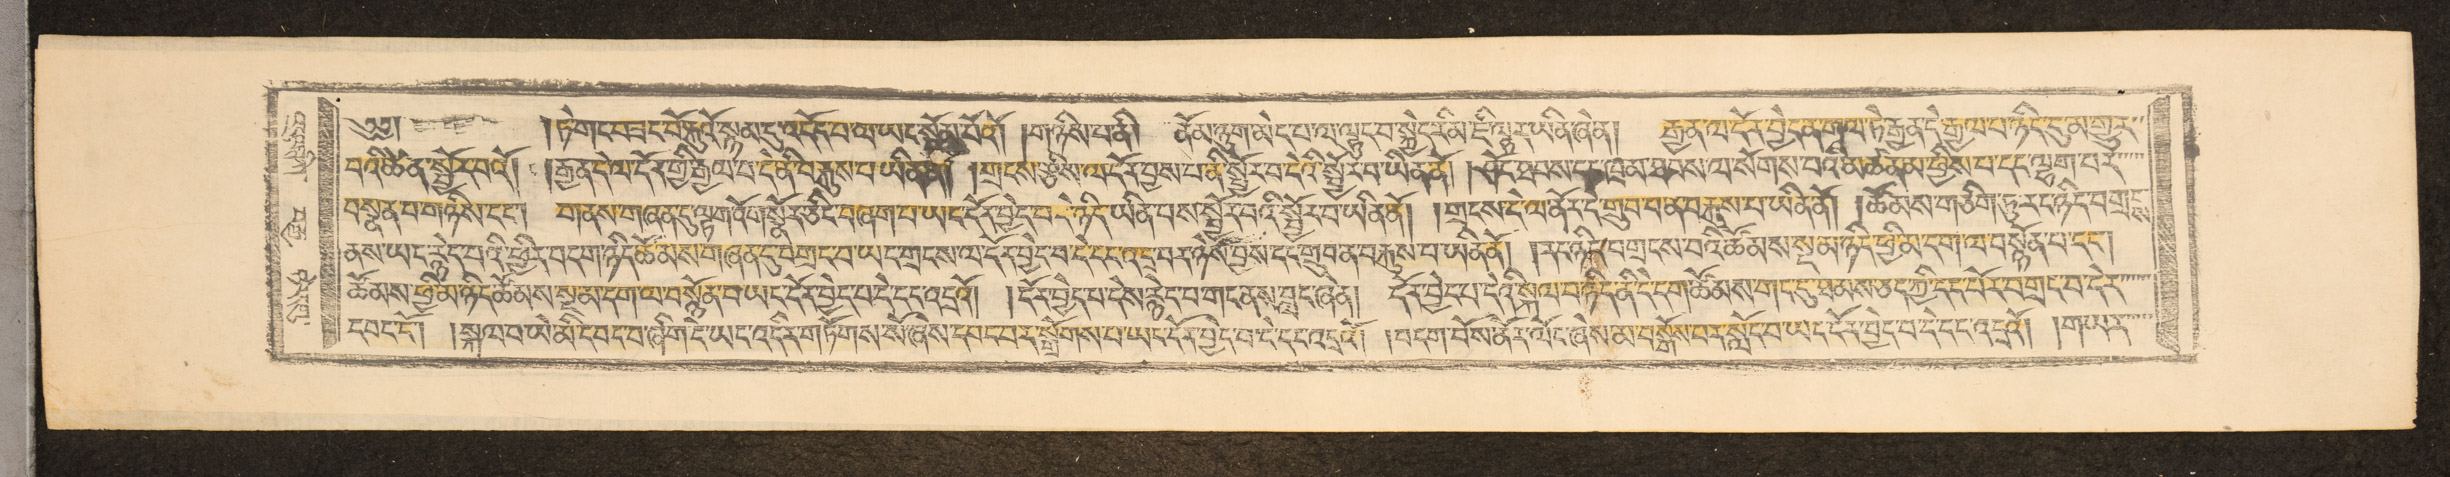༄༅། །ཏེ་གང་བཟང་པོ་རྐུའོ་སྙམ་དུ་འདོད་པ་ལ་ཡང་སྦོམ་པོའོ། །གཉིས་པ་ནི། ནོམ་ཉུག་མེད་པ་ལ་ལྟུང་བ་སྐྱེད་རིམ་ཇི་ལྟར་ཡིན་ཞེ་ན། རྒྱན་ལ་དོར་བྱེད་ན་གལ་ཏེ་རྒྱན་དེ་རྒྱལ་པ་ཉིད་དུ་མ་གྱུར་
པའི་ཚེ་ན་སྦྱོར་བའོ། །རྒྱན་དེ་ལ་དོར་གྱི་རྒྱལ་བ་དེ་ནི་བརྐུས་པ་ཡིན་ནོ། །གྲངས་རྩིས་ལ་དོར་བྱས་པ་ནི་སྦྱོར་བ་དེའི་སྦྱོར་བ་ཡིན་ནོ། །ཤོད་ཐབས་དང་ཁྲམ་ཐབས་ལ་སོགས་པའི་མཚན་མ་ཕྱིས་པ་དང་ལྷག་པར་
བསྣན་པ་གཉིས་དང་། གནས་གཞན་དུ་ལྟག་འོག་སྣོར་ཅིང་བཞག་པ་ཡང་ངོར་བྱེད་པ་དེ་ཉིད་ཡིན་པས་སྦྱོར་བའི་སྦྱོར་བ་ཡིན་ནོ། །གྲངས་དེ་ལ་ནོར་དེ་གྲུབ་པ་ན་བརྐུས་པ་ཡིན་ནོ། །ཚོམས་གཅིག་ཏུ་རང་ཉིད་བགྲངས་
ནས་ཡང་རྙེད་པའི་ཕྱིར་བདག་ཉིད་ཚོམས་གཞན་དུ་བགྲང་བ་ཡང་གྲངས་ལ་དོར་བྱེད་པ་དེ་དང་འདྲ་བར་ཉེས་བྱས་དང་གྲུབ་ན་བརྐུས་པ་ཡིན་ནོ། །རང་ཉིད་བགྲངས་བའི་ཚོམས་སྔ་མ་ཉིད་ཕྱི་མ་དག་ལ་བསྙོན་པ་དང་།
ཚོམས་ཕྱི་མ་ཉིད་ཚོམས་སྔ་མ་དག་ལ་བསྙོན་པ་ཡང་དོར་བྱེད་པ་དེ་དང་འདྲའོ། །དོར་བྱེད་པ་དེས་རྙེད་པ་གང་ནས་བླང་ཞེ་ན། དོར་བྱེད་པ་དེའི་སྐལ་བ་ཉིད་ནི་དེ་དག་ཚོམས་གང་དུ་ཐམས་ཅད་ཀྱི་དང་པོར་བགྲང་བ་དེར་
དབང་ངོ། །སྐལ་བ་ཡེ་མི་དབང་བ་ཞིག་དེ་ཡང་འདིར་གཏོགས་སོ་ཞེས་དབང་བར་སྒྲོགས་པ་ཡང་དོར་བྱེད་པ་དེ་དང་འདྲའོ། །བདག་པོས་ནོར་ལོང་ཞེས་མ་བསྒོས་པར་སློང་བ་ཡང་དོར་བྱེད་པ་དེ་དང་འདྲའོ། །གཡར་